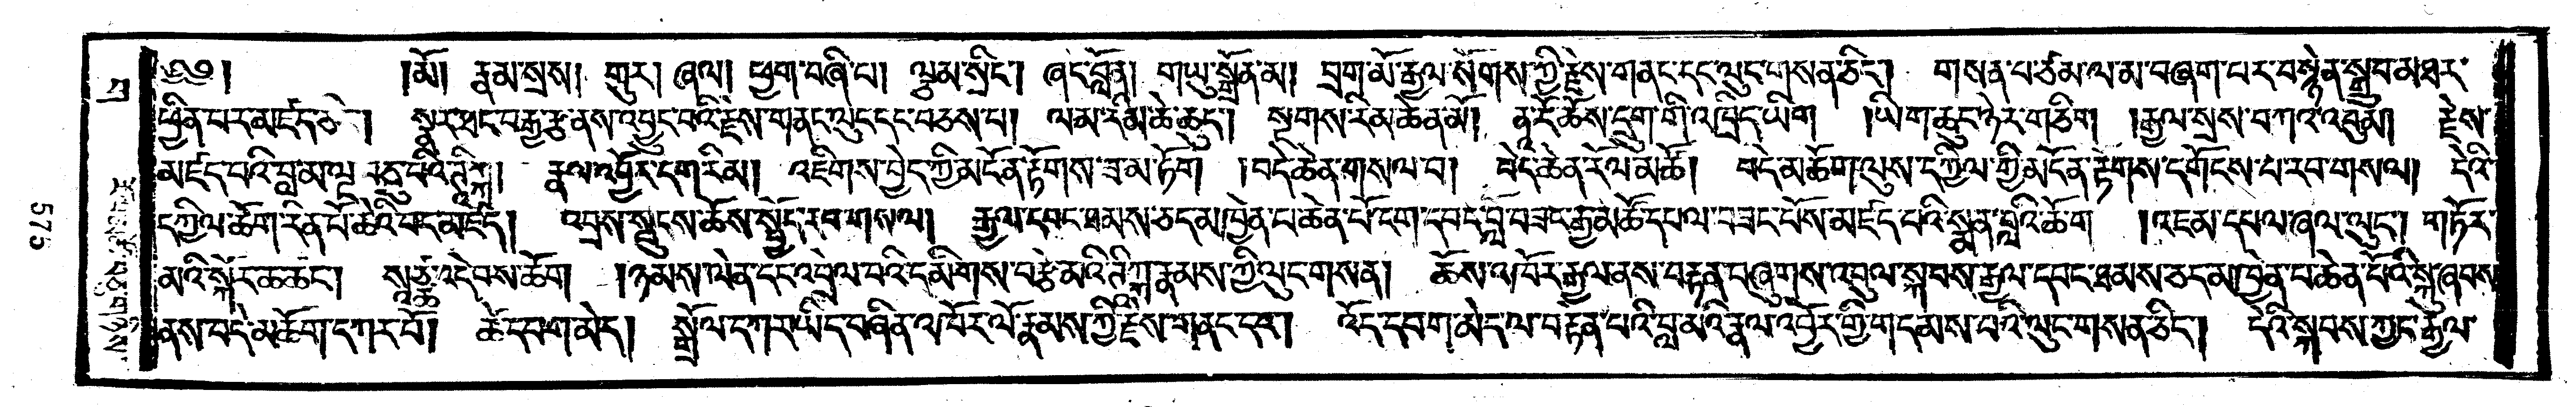༄༅། །མོ། རྣམ་སྲས། གུར། ཞལ། ཕྱག་བཞི་པ། ལྕམ་སྲིང་། ཞང་བློན། གཡུ་སྒྲོན་མ། བྲག་མོ་རྒྱལ་སོགས་ཀྱི་རྗེས་གནང་དང་ལུང་གསན་ཅིང་། གསན་པ་ཙམ་ལ་མ་བཞག་པར་བསྙེན་སྒྲུབ་མཐར་
ཕྱིན་པར་མཛད་ཅིང་། སྣར་ཐང་བརྒྱ་རྩ་ནས་འབྱུང་བའི་རྗེས་གནང་ལུང་དང་བཅས་པ། ལམ་རིམ་ཆེ་ཆུང་། སྔགས་རིམ་ཆེན་མོ། ནཱ་ངོ་ཆོས་དྲུག་གི་འཁྲིད་ཡིག །ཡིག་ཆུང་ཉེར་གཅིག །རྒྱལ་སྲས་བཀའ་འབུམ། རྗེས་
མཛད་པའི་བླ་མ་ལྔ་བཅུ་པའི་ཊཱིཀྐ། རྣལ་འབྱོར་དག་རིམ། འཇིགས་བྱེད་ཀྱི་མངོན་རྟོགས་ཟ་མ་ཏོག །བདེ་ཆེན་གསལ་བ། བདེ་ཆེན་རོལ་མཚོ། བདེ་མཆོག་ལུས་དཀྱིལ་གྱི་མངོན་རྟོགས་དགོངས་པ་རབ་གསལ། དེའི་
དཀྱིལ་ཆོག་རིན་པོ་ཆེའི་བང་མཛད། འབྲས་སྤུངས་ཆོས་སྤྱོད་རབ་གསལ། རྒྱལ་དབང་ཐམས་ཅད་མཁྱེན་པ་ཆེན་པོ་ངག་དབང་བློ་བཟང་རྒྱ་མཚོ་དཔལ་བཟང་པོས་མཛད་པའི་སྨན་བླའི་ཆོ་ག །འཇམ་དཔལ་ཞལ་ལུང་། གཏོར་
མའི་སྐོར་ཆ་ཚང་། སཱ་ཙྪ་འདེབས་ཆོག །ཉམས་ལེན་དང་འབྲེལ་བའི་དམིགས་བརྩེ་མའི་ཊཱིཀྐ་རྣམས་ཀྱི་ལུང་གསན། ཆོས་འཁོར་རྒྱལ་ནས་བརྟན་བཞུགས་འབུལ་སྐབས་རྒྱལ་དབང་ཐམས་ཅད་མཁྱེན་པ་ཆེན་པོའི་སྐུ་ཞབས་
ནས་བདེ་མཆོག་དཀར་བོ། ཚེ་དཔག་མེད། སྒྲོལ་དཀར་ཡིད་བཞིན་འཁོར་ལོ་རྣམས་ཀྱི་རྗེས་གནང་དང་། འོད་དཔག་མེད་ལ་བརྟེན་པའི་བླ་མའི་རྣལ་འབྱོར་གྱི་གདམས་པའི་ལུང་གསན་ཅིང་། དེའི་སྐབས་ཀྱང་རྒྱལ་